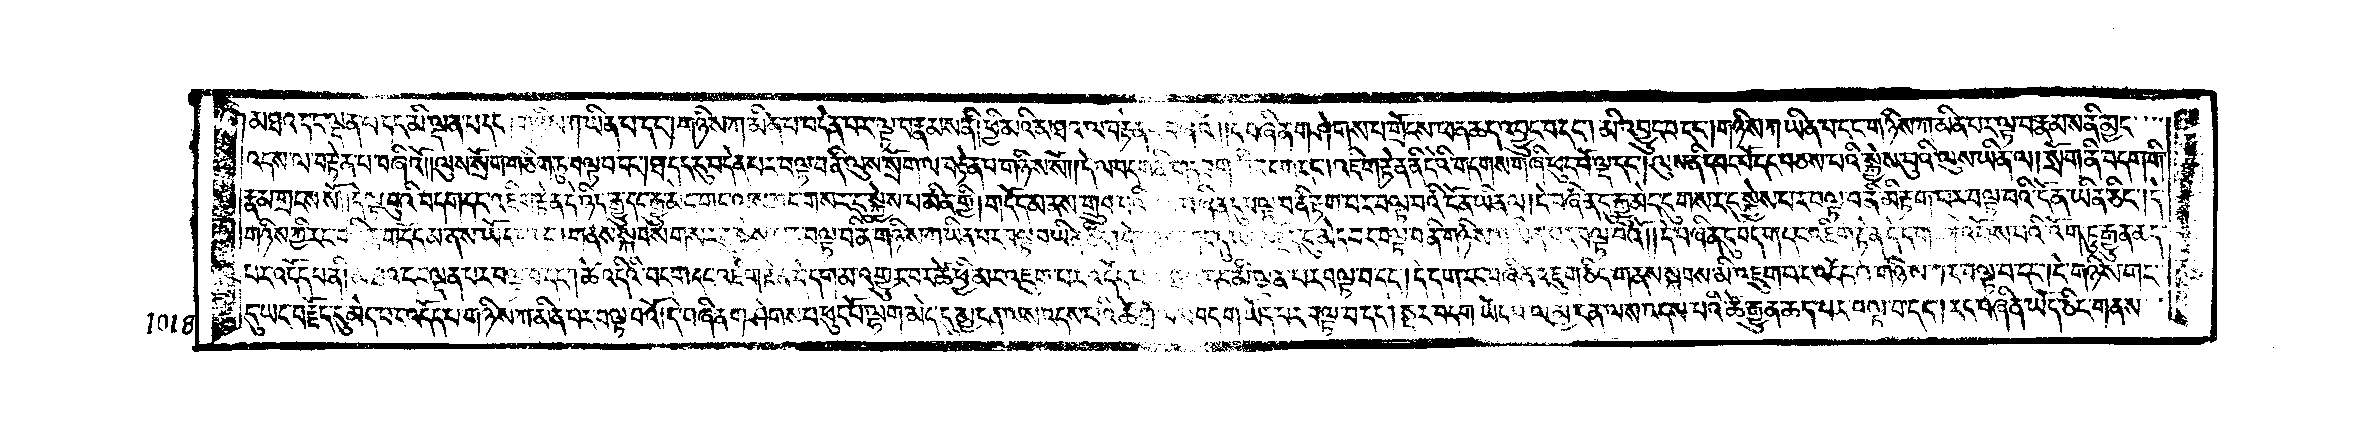མཐའ་དང་ལྡན་པ་དང་མི་ལྡན་པ་དང་། གཉིས་ཀ་ཡིན་པ་དང་། གཉིས་ཀ་མིན་པ་བདེན་པར་ལྟ་བ་རྣམས་ནི། ཕྱི་མའི་མཐའ་ལ་བརྟེན་པ་བཞིའོ། །དེ་བཞིན་གཤེགས་པ་གྲོང་ཕན་ཆད་འབྱུང་བ་དང་། མི་འབྱུང་བ་དང་། གཉིས་ཀ་ཡིན་པ་དང་གཉིས་ཀ་མིན་པར་ལྟ་བ་རྣམས་ནི་མྱང་
འདས་ལ་བརྟེན་པ་བཞིའོ།།ལུས་སྲོག་གཅིག་ཏུ་བལྟ་བ་དང་། ཐ་དད་དུ་བདེན་པར་བལྟ་བ་ནི་ལུས་སྲོག་ལ་བརྟེན་པ་གཉིས་སོ། །དེ་ལ་བདག་ནི་གང་ཟག་གི་བདག་དང་། འཇིག་རྟེན་ནི་དེའི་གདགས་གཞི་ཕུང་པོ་ལྔ་དང་། ལུས་ནི་དབང་པོ་དང་བཅས་པའི་སྐྱེས་བུའི་ལུས་ཡིན་ལ། སྲོག་ནི་བདག་གི་
རྣམ་གྲངས་སོ། །དེ་ལྟ་བུའི་བདག་དང་འཇིག་རྟེན་དེ་ཉིད་རྒྱུ་དང་རྒྱུ་མེད་གང་ལས་ཀྱང་གསར་དུ་སྐྱེས་པ་མིན་གྱི། གདོད་མ་ནས་གྲུབ་པའི་རང་བཞིན་དུ་བལྟ་བ་ནི་རྟག་པར་བལྟ་བའི་དོན་ཡིན་ལ། དེ་བཞིན་དུ་རྒྱུ་མེད་དུ་གསར་དུ་སྐྱེས་པར་བལྟ་བ་ནི་མི་རྟག་པར་བལྟ་བའི་དོན་ཡིན་ཅིང་། དེ་
གཉིས་ཀྱི་རང་བཞིན་གདོད་མ་ནས་ཡོད་པ་དང་། གནས་སྐབས་གསར་དུ་སྐྱེས་པར་བལྟ་བ་ནི་གཉིས་ཀ་ཡིན་པར་བལྟ་བ་ཡིན་ཅིང་། དེ་གཉིས་གང་དུ་ཡང་བརྗོད་དུ་མེད་པར་བལྟ་བ་ནི་གཉིས་ཀ་མིན་པར་བལྟ་བའོ། །དེ་བཞིན་དུ་བདག་དང་འཇིག་རྟེན་དེ་དག་ཤི་འཕོས་པའི་འོག་ཏུ་རྒྱུན་ཆད་
པར་འདོད་པ་ནི། མཐའ་དང་ལྡན་པར་བལྟ་བ་དང་། ཚེ་འདིའི་བདག་དང་འཇིག་རྟེན་དེ་དག་མ་འགྱུར་བར་ཚེ་ཕྱི་མར་འཇུག་པར་འདོད་པ་མཐའ་དང་མི་ལྡན་པར་བལྟ་བ་དང་། དེ་དག་རང་བཞིན་འཇུག་ཅིང་གནས་སྐབས་མི་འཇུག་པར་འདོད་པ་གཉིས་ཀར་བལྟ་བ་དང་། དེ་གཉིས་གང་
དུ་ཡང་བརྗོད་དུ་མེད་པར་འདོད་པ་གཉིས་ཀ་མིན་པར་བལྟ་བའོ། །དེ་བཞིན་གཤེགས་པ་ཕུང་པོ་ལྷག་མེད་དུ་མྱ་ངན་ལས་འདས་པའི་ཚེ་གྲོལ་བ་བདག་ཡོད་པར་བལྟ་བ་དང་། སྔར་བདག་ཡོད་པ་ལ་མྱ་ངན་ལས་འདས་པའི་ཚེ་རྒྱུན་ཆད་པར་བལྟ་བ་དང་། རང་བཞིན་ཡོད་ཅིང་གནས་